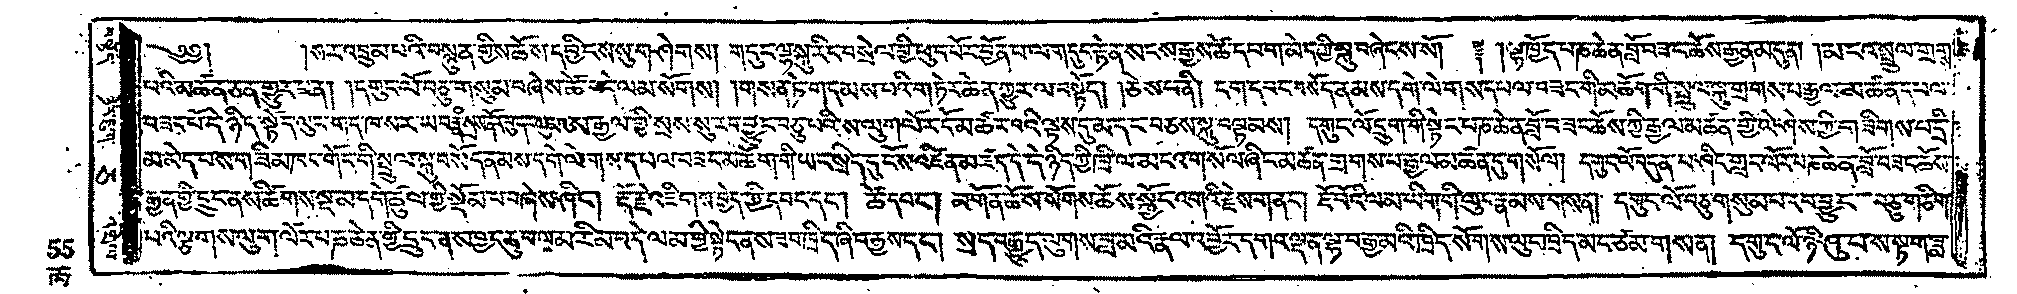༄༅། །སར་འབྲུམ་པའི་བསྙུན་གྱིས་ཆོས་དབྱིངས་སུ་གཤེགས། གདུང་ལྷ་སྐུ་རིང་བསྲེལ་གྱི་ཕུང་པོར་བྱོན་པ་ལ་གདུང་རྟེན་སངས་རྒྱས་ཚེ་དཔག་མེད་ཀྱི་སྐུ་བཞེངས་སོ། ༈ །ལྷ་ཁྱོད་པཎ་ཆེན་བློ་བཟང་ཆོས་རྒྱན་མདུན། །མངའ་སྤྲུལ་གྲགས་
པའི་མཚན་ཅན་གྱུར་པ་ན། །དགུང་ལོ་བཅུ་གསུམ་བཞེས་ཚེ་བདེ་ལམ་སོགས། །གསན་ཏེ་གདམས་པའི་གཏེར་ཆེན་གྱུར་ལ་བསྟོད། །ཅེས་པ་ནི། ངག་དབང་བསོད་ནམས་དགེ་ལེགས་དཔལ་བཟང་གི་མཆོག་གི་སྤྲུལ་སྐུ་གྲགས་པ་རྒྱལ་མཚན་དཔལ་
བཟང་པོ་དེ་ཉིད་སྟོད་ལུང་གད་ཁ་སར་ཡབ་རྣཾ་སྲས་ནོར་བུ་དང་ཡུམ་ཨ་རྒྱལ་གྱི་སྲས་སུ་རབ་བྱུང་བཅུ་པའི་ས་ལུག་ལོར་ངོ་མཚར་བའི་ལྟས་དུ་མ་དང་བཅས་སྐུ་བལྟམས། དགུང་ལོ་དྲུག་གི་སྟེང་པཎ་ཆེན་བློ་བཟང་ཆོས་ཀྱི་རྒྱལ་མཚན་གྱི་ཡེ་ཤེས་ཀྱི་གཟིགས་པ་དྲི་
མ་མེད་པས་གཟིམ་ཁང་གོང་གི་སྤྲུལ་སྐུ་བསོད་ནམས་དགེ་ལེགས་དཔལ་བཟང་མཆོག་གི་ཡང་སྲིད་དུ་ངོས་འཛིན་མཛད་དེ་དེ་ཉིད་ཀྱི་ཁྲི་ལ་མངའ་གསོལ་ཞིང་མཚན་གྲགས་པ་རྒྱལ་མཚན་དུ་གསོལ། དགུང་ལོ་བདུན་པ་ཤིང་གླང་ལོར་པཎ་ཆེན་བློ་བཟང་ཆོས་
རྒྱན་གྱི་དྲུང་ནས་ཚིགས་སྔ་མ་དགེ་ཚུལ་གྱི་སྡོམ་པ་བཞེས་ཤིང་། རྡོ་རྗེ་འཇིགས་བྱེད་ཀྱི་དབང་དང་། ཚེ་དབང་། མགོན་ཆོས་སོགས་ཆོས་སྐྱོང་འགའི་རྗེས་གནང་། ཇོ་བོའི་ལམ་ཡིག་གི་ལུང་རྣམས་གསན། དགུང་ལོ་བཅུ་གསུམ་པ་རབ་བྱུང་བཅུ་གཅིག་
པའི་ལྕགས་ལུག་ལོར་པཎ་ཆེན་གྱི་དྲུང་ནས་བྱང་ཆུབ་ལམ་རིམ་བདེ་ལམ་གྱི་སྟེང་ནས་ཟབ་ཁྲིད་ཞིབ་རྒྱས་དང་། སྲད་བརྒྱུད་ལུགས་བླ་མའི་རྣལ་འབྱོར་དགའ་ལྡན་ལྷ་བརྒྱ་མའི་ཁྲིད་སོགས་ལུང་ཁྲིད་མང་ཙམ་གསན། དགུང་ལོ་ཉི་ཤུ་པ་ས་སྟག་ཟླ་